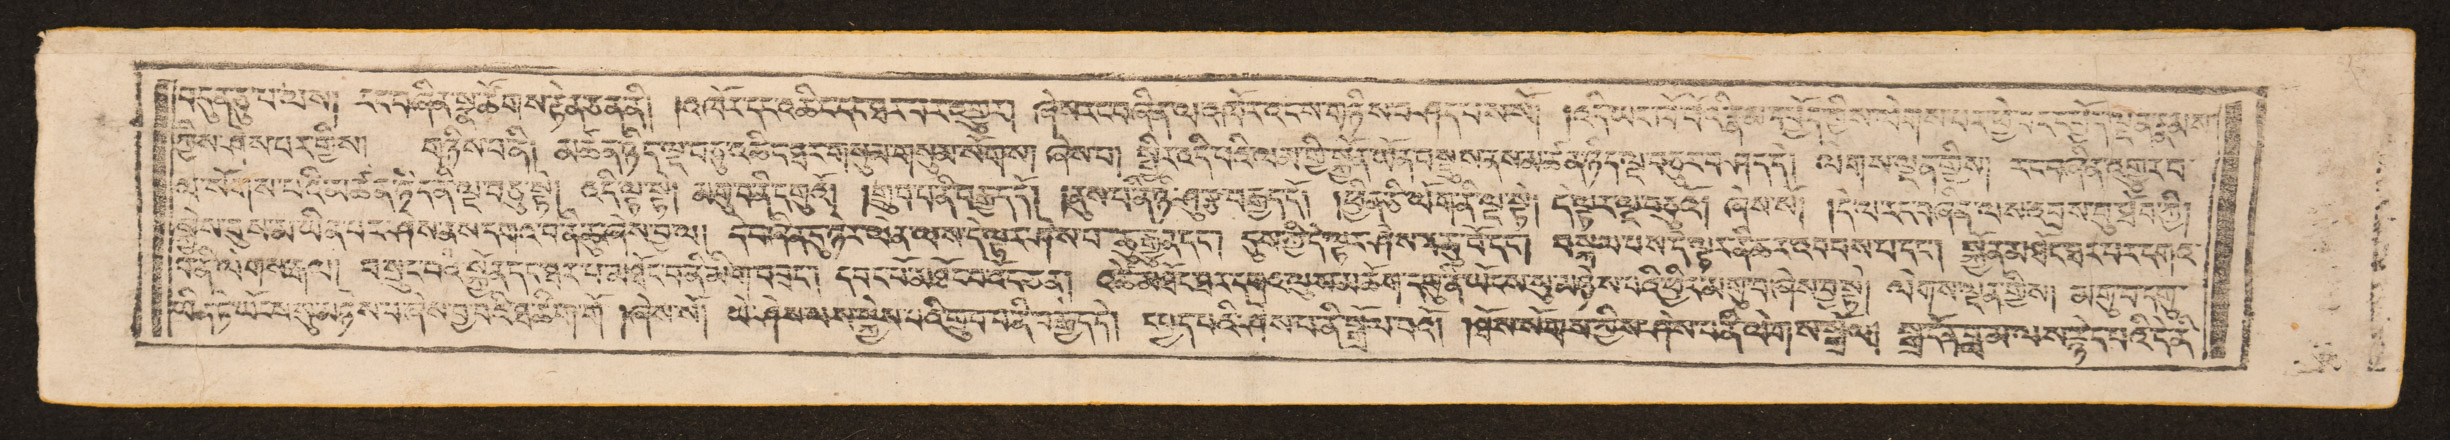བདུན་ཅུ་པ་ལས། རང་བཞིན་སྣ་ཚོགས་རྟེན་ཅན་ནི། །འཁོར་དང་འཆིང་དང་ཐར་བར་འགྱུར། ཞེས་རང་བཞིན་ལ་འཁོར་འདས་གཉིས་བཤད་པས་སོ། །འདི་ཡང་ཁོ་བོའི་རྣམ་དཔྱོད་ཀྱིས་ལེགས་པར་ཕྱེ་བར་དཔྱོད་ལྡན་རྣམས་
ཀྱིས་ཤེས་པར་གྱིས། གཉིས་པ་ནི། མཚན་ཉིད་ལྔ་བཅུ་འཆིང་ཐར་གསུམ་གསུམ་སོགས། ཞེས་པ། སྤྱིར་འདི་པའི་ལམ་གྱི་སྐྱོན་ཡོན་བསྡུས་ནས་མཚན་ཉིད་ལྔ་བཅུར་བཤད་དེ། ལེགས་ལྡན་གྱིས། རང་བཞིན་འགྱུར་བ་
ལ་སོགས་པའི་མཚན་ཉོད་ནི་ལྔ་བཅུ་སྟེ། འདི་ལྟ་སྟེ། མགུབ་ནི་དགུའོ། །གྲུབ་པ་ནི་བརྒྱད་དོ། །ནུས་པ་ནི་ཉི་ཤུ་རྩ་བརྒྱད་དོ། །ཕྱིན་ཅི་ལོག་ནི་ལྔ་སྟེ། དེ་ལྟར་ལྔ་བཅུའོ། ཞེས་སོ། །དེ་ལ་རང་བཞིན་ལས་འབྲས་བུ་ཐོབ་ཀྱི།
སྐྱེས་བུས་མ་ཡིན་པར་ཤེས་ནས་དགའ་བ་ནི་ཆུ་ཞེས་བྱ་ལ། དེ་བཞིན་དུ་ཉེར་ལེན་ལས་དེ་ལྟར་ཤེས་པ་ཆུ་རྒྱུན་དང་། དུས་ཀྱི་དེ་ལྟར་ཤེས་འཆུ་བོ་དང་། བསྐལ་པས་དེ་ལྟར་ནི་ཆར་འབབས་པ་དང་། སྐྱོན་མཐོང་ཐར་པར་དགའ་
བ་ནི་ལེགས་རྒལ། བསྲུང་བའི་སྐྱོན་དང་ཐར་པ་མཐོང་བ་ནི་མིག་བཟང་། དཔང་པོ་མཐོང་བ་འོད་ཅན། འཚེ་མཐོང་ཐར་དགའ་ལུས་མཆོག་དགུ་ནི་ཡོངས་སུ་མཉེས་པའི་ཕྱིར་མགུ་བ་ཞེས་བྱ་སྟེ། ལེགས་ལྡན་གྱིས། མགུབ་དགུ་
ཡིན་ཏེ་ཡོངས་སུ་མཉེས་པ་ཞེས་བྱ་བའི་ཐ་ཚིག་གོ །ཞེས་སོ། ཡེ་ཤེས་ལས་སྐྱེས་པའི་གྲུབ་པ་ནི་བརྒྱད་དེ། དཔྱད་པའི་ཤེས་པ་ནི་སྒྲོལ་བའོ། །ཐོས་སོགས་ཀྱིས་ཤེས་པ་ནི་ལེགས་སྒྲོལ། སྒྲ་དོན་བླ་མ་ལས་རྙེད་པའི་དེ་ནི་